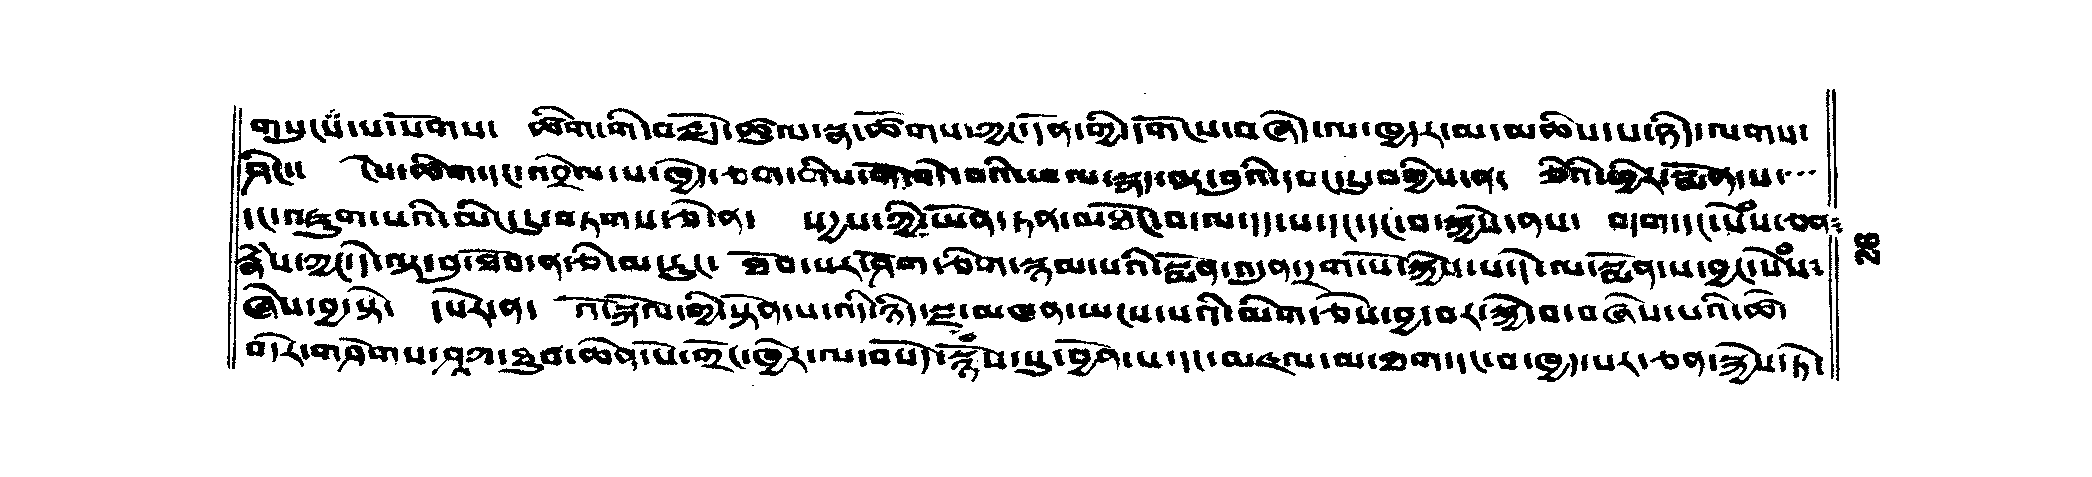གསུང་པ་སོགས། ཚིག་གི་བརྗོད་ཚུལ་སྣ་ཚོགས་ཀྱང་དོན་གྱི་དགོངས་བཞེད་ལ་ཁྱད་པར་མ་མཆིས་པ་ཉིད་ལགས་
ཤིང་། ངེས་ཆིག་དང་འབྲེལ་པ་ཁྱེད་ཅག་གིས་གོ་བདེ་བའི་ཕལ་སྐད་ལྟ་བུའི་དབང་དུ་བགྱིས་ན།ཅིའི་ཕྱིར་སྨོན་པ་
དང་འཇུག་པའི་མིང་དུ་བཏགས་ཅེ་ན། སངས་རྒྱས་ཀྱི་ཡོན་ཏན་མཐོང་བ་ལ་དད་པད་དང་བ་སྐྱེས་ནས། བདག་དང་སེམས་ཅན་
རྣམས་ཀྱང་དེ་ལྟ་བུ་ཐོབ་ན་ཅི་མ་རུང་། ཐོབ་པར་ཤོག་ཅིག་སྙམ་པའི་སྨོན་འདུན་དྲག་པོ་སྐྱེས་པ་དེ་ལ་སྨོན་པ་བྱང་སེམས་
ཞེས་བྱ་སྟེ། དཔེར་ན། འོ་སྐོལ་གྱི་སྟོན་པ་འདི་ཉིད་རྫ་མཁན་ཡངས་པའི་མིག་ཅེས་བྱ་བར་སྐྱེ་བ་བཞེས་པའི་ཚེ་
བདེ་གཤེགས་ཤཱཀ་ཐུབ་ཆེན་པོ་གྲོང་ཁྱེར་ལ་བསོད་སྙོམས་སུ་བྱོན་པ་དང་མཇལ་མ་ཐག་དང་བ་ཁྱད་པར་ཅན་སྐྱེས་ཏེ་